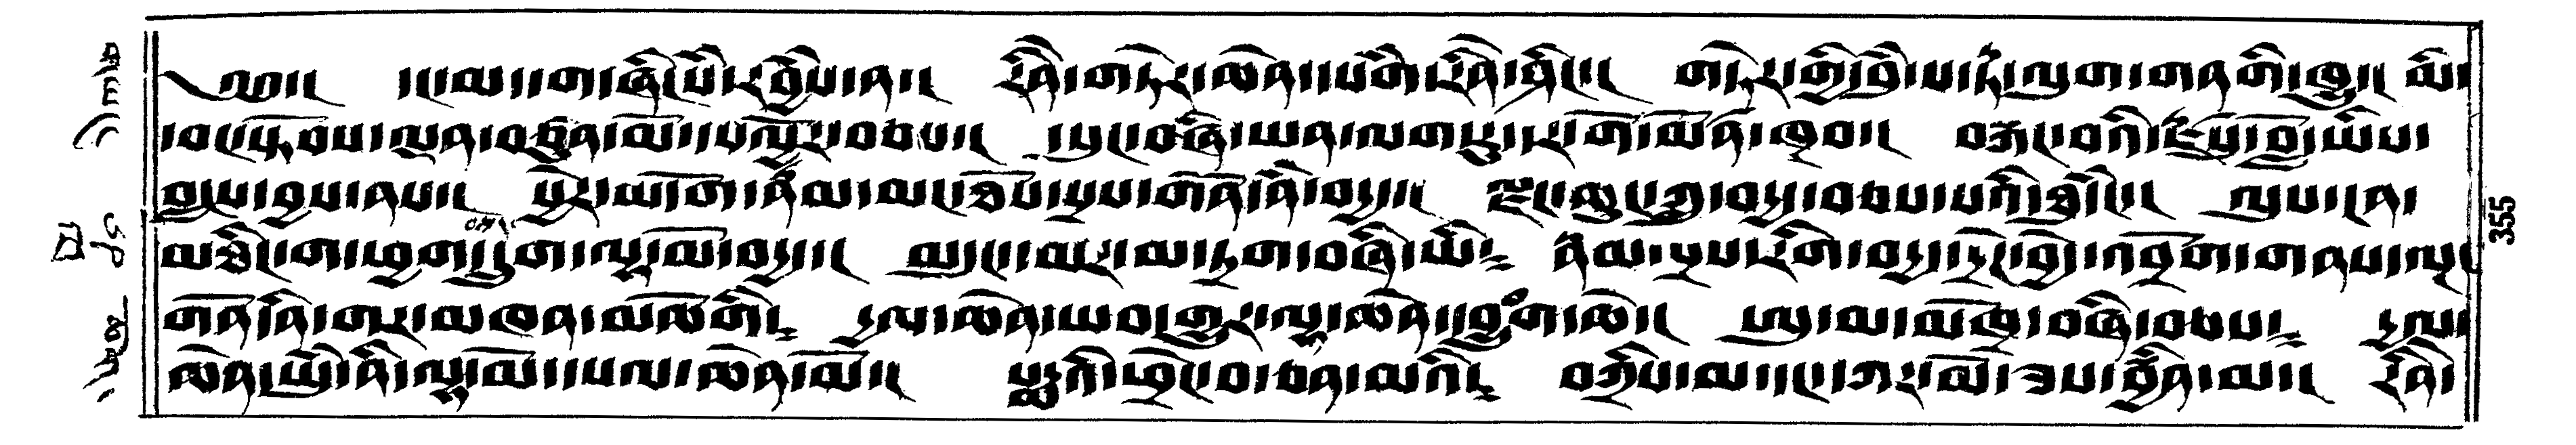དང་མ་དག་ཞིང་ཁམས་རབ་འབྱམས་ན། །རིན་ཆེན་གཏེར་ཆེན་དཔག་སམ་རིན་ཆེན་ཤིང་། །གཏེར་གྱི་བུམ་པ་རྟ་ལུག་གནག་གི་ཁྱུ། །མི་
དབང་སྟོབས་ལྡན་བཙུན་མོ་དཔལ་འབྱོར་བཅས། །དཔུང་བཞི་ཡན་ལག་རུ་དར་གོ་མཚོན་ཁྲབ། །བསྐང་བའི་རྫས་སུ་བློ་ཡིས་
བླངས་བྱས་ནས། གསེར་མདོག་རྣམ་མང་ཐོས་སྲས་གནོད་སྦྱིན་བརྒྱད། །ལྗང་ཆུང་ཀླུ་བརྒྱད་བཅས་པའི་ཐུགས་དམ་བསྐང་། །ལུས་ངན་
མཐིང་ག་ཕྱག་དྲུག་ལྷ་མོ་བརྒྱད། །མདུང་དམར་མ་ཏྲག་བཞི་ཡི༴རྣམ་སྲས་རིགས་བརྒྱད་དྲེགས་བྱེད་འབྲོག་གནས་ལྔ་། 
གནོད་སྦྱིན་གར་མཁན་མཆོག་གི༴ །རྒྱལ་ཆེན་ཡབ་གྱུར་ལྷ་ཆེན་དབང་ཕྱུག་ཆེ། །ཨུ་མ་མཁའ་འགྲོ་བཞི་བཅས༴ རྒྱལ་
ཆེན་ཡུམ་ནི་ལྷ་མོ་དཔལ་ཆེན་མོ། །པདྨའི་ཕྲེང་བ་ཅན་མའི༴ བཀྲ་ཤིས་མ་དང་དཀར་མོ་ཟས་སྦྱིན་མ། །རིན་ཆེན་